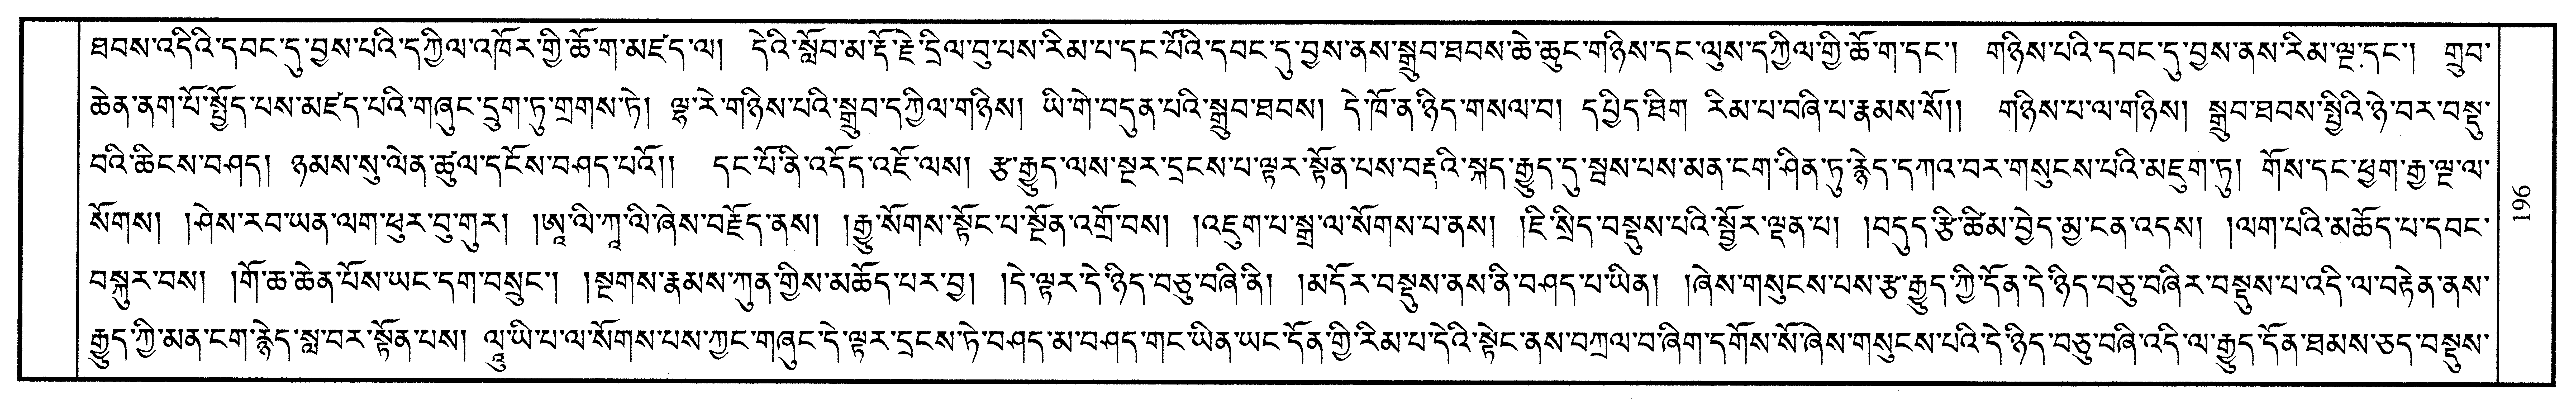ཐབས་འདིའི་དབང་དུ་བྱས་པའི་དཀྱིལ་འཁོར་གྱི་ཆོ་ག་མཛད་ལ། དེའི་སློབ་མ་རྡོ་རྗེ་དྲིལ་བུ་པས་རིམ་པ་དང་པོའི་དབང་དུ་བྱས་ནས་སྒྲུབ་ཐབས་ཆེ་ཆུང་གཉིས་དང་ལུས་དཀྱིལ་གྱི་ཆོ་ག་དང་། གཉིས་པའི་དབང་དུ་བྱས་ནས་རིམ་ལྔ་དང་། གྲུབ་
ཆེན་ནག་པོ་སྤྱོད་པས་མཛད་པའི་གཞུང་དྲུག་ཏུ་གྲགས་ཏེ། ལྷ་རེ་གཉིས་པའི་སྒྲུབ་དཀྱིལ་གཉིས། ཡི་གེ་བདུན་པའི་སྒྲུབ་ཐབས། དེ་ཁོ་ན་ཉིད་གསལ་བ། དཔྱིད་ཐིག། རིམ་པ་བཞི་པ་རྣམས་སོ།། གཉིས་པ་ལ་གཉིས། སྒྲུབ་ཐབས་སྤྱིའི་ཉེ་བར་བསྡུ་
བའི་ཆིངས་བཤད། ཉམས་སུ་ལེན་ཚུལ་དངོས་བཤད་པའོ།། དང་པོ་ནི་འདོད་འཇོ་ལས། རྩ་རྒྱུད་ལས་སྔར་དྲངས་པ་ལྟར་སྟོན་པས་བརྡའི་སྐད་རྒྱུད་དུ་སྦས་པས་མན་ངག་ཤིན་ཏུ་རྙེད་དཀའ་བར་གསུངས་པའི་མཇུག་ཏུ། གོས་དང་ཕྱག་རྒྱ་ལྔ་ལ་
སོགས། །ཤེས་རབ་ཡན་ལག་ཕུར་བུ་གུར། །ཨཱ་ལི་ཀཱ་ལི་ཞེས་བརྗོད་ནས། །རྒྱུ་སོགས་སྟོང་པ་སྔོན་འགྲོ་བས། །འཇུག་པ་སྒྲ་ལ་སོགས་པ་ནས། །ཇི་སྲིད་བསྡུས་པའི་སྦྱོར་ལྡན་པ། །བདུད་རྩི་ཚིམ་བྱེད་མྱ་ངན་འདས། །ལག་པའི་མཆོད་པ་དབང་
བསྐུར་བས། །གོ་ཆ་ཆེན་པོས་ཡང་དག་བསྲུང་། །སྔགས་རྣམས་ཀུན་གྱིས་མཆོད་པར་བྱ། །དེ་ལྟར་དེ་ཉིད་བཅུ་བཞི་ནི། །མདོར་བསྡུས་ནས་ནི་བཤད་པ་ཡིན། །ཞེས་གསུངས་པས་རྩ་རྒྱུད་ཀྱི་དོན་དེ་ཉིད་བཅུ་བཞིར་བསྡུས་པ་འདི་ལ་བརྟེན་ནས་
རྒྱུད་ཀྱི་མན་ངག་རྙེད་སླ་བར་སྟོན་པས། ལཱུ་ཡི་པ་ལ་སོགས་པས་ཀྱང་གཞུང་དེ་ལྟར་དྲངས་ཏེ་བཤད་མ་བཤད་གང་ཡིན་ཡང་དོན་གྱི་རིམ་པ་དེའི་སྟེང་ནས་བཀྲལ་བ་ཞིག་དགོས་སོ་ཞེས་གསུངས་པའི་དེ་ཉིད་བཅུ་བཞི་འདི་ལ་རྒྱུད་དོན་ཐམས་ཅད་བསྡུས་